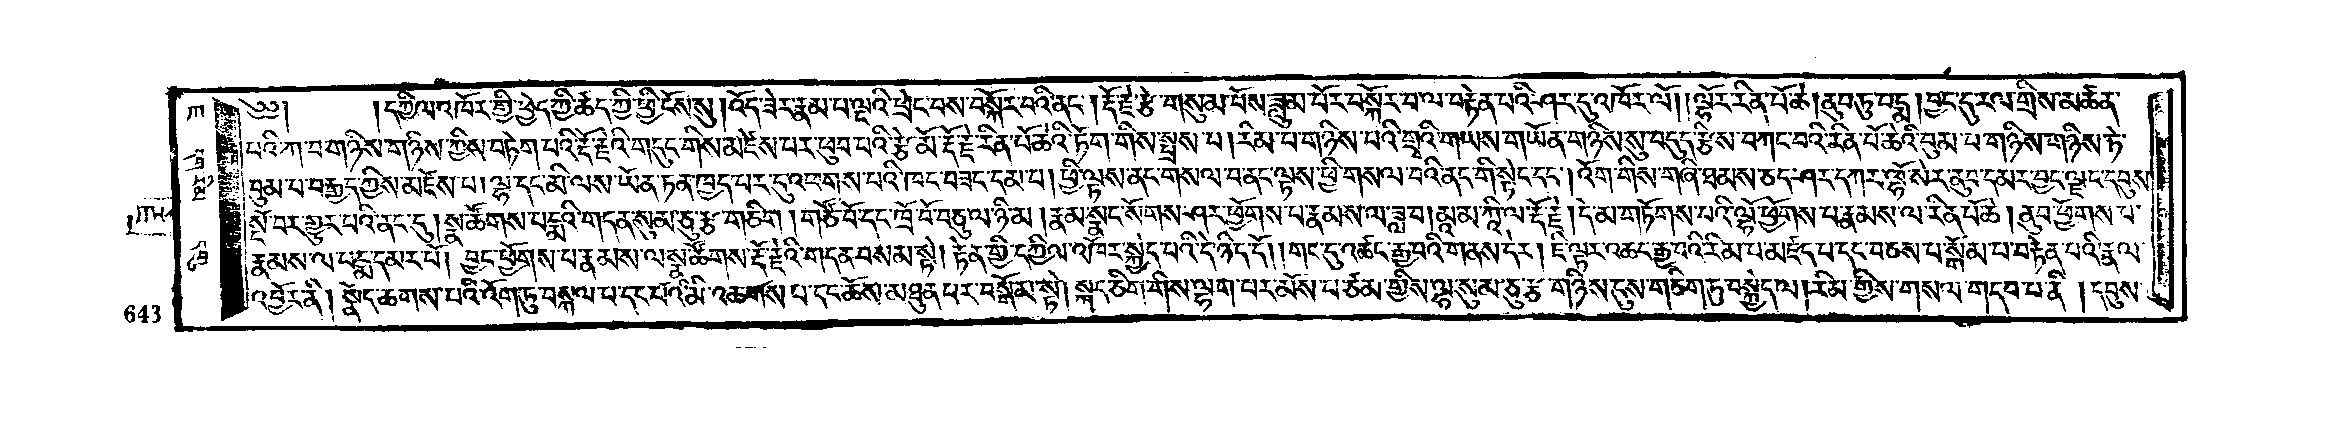༄༅། །དཀྱིལ་འཁོར་གྱི་ཕྱེད་ཀྱི་ཚད་ཀྱི་ཕྱི་ངོས་སུ། འོད་ཟེར་རྣམ་པ་ལྔའི་ཕྲེང་བས་བསྐོར་བའི་ནང་། རྡོ་རྗེ་རྩེ་གསུམ་པོས་ཟླུམ་པོར་བསྐོར་བ་ལ་བརྟེན་པའི་ཤར་དུ་འཁོར་ལོ། །ལྷོར་རིན་པོ་ཆེ། ནུབ་ཏུ་པདམ། བྱང་དུ་རལ་གྲིས་མཚན་
པའི་ཀ་བ་གཉིས་གཉིས་ཀྱིས་བཏེག་པའི་རྡོ་རྗེའི་གདུང་གིས་མཛེས་པར་ཕུབ་པའི་རྩེ་མོ་རྡོ་རྗེ་རིན་པོ་ཆེའི་ཏོག་གིས་སྤྲས་པ། རིམ་པ་གཉིས་པའི་གྲྭའི་གཡས་གཡོན་གཉིས་སུ་བདུད་རྩིས་བཀང་བའི་རིན་པོ་ཆེའི་བུམ་པ་གཉིས་གཉིས་ཏེ་
བུམ་པ་བརྒྱད་ཀྱིས་མཛེས་པ། ལྷ་དང་མི་ལས་ཡོན་ཏན་ཁྱད་པར་དུ་འཕགས་པའི་ཁང་བཟང་དམ་པ། ཕྱི་ལྟས་ནང་གསལ་བ་ནང་ལྟས་ཕྱི་གསལ་བའི་ནང་གི་སྟེང་དང་། འོག་གིས་གཞི་ཐམས་ཅད་ཤར་དཀར་ལྷོ་སེར་ནུབ་དམར་བྱང་ལྗང་དབུས་
སྔོ་བར་གྱུར་པའི་ནང་དུ། སྣ་ཚོགས་པདམའི་གདན་སུམ་ཅུ་རྩ་གཅིག །གཙོ་བོ་དང་ཁྲོ་བོ་བཅུ་ལ་ཉི་མ། རྣམ་སྣང་སོགས་ཤར་ཕྱོགས་པ་རྣམས་ལ་ཟླ་བ། མཱ་མ་ཀཱི་ལ་རྡོ་རྗེ། དེ་མ་གཏོགས་པའི་ལྷོ་ཕྱོགས་པ་རྣམས་ལ་རིན་པོ་ཆེ། ནུབ་ཕྱོགས་པ་
རྣམས་ལ་པདམ་དམར་པོ། བྱང་ཕྱོགས་པ་རྣམས་ལ་སྣ་ཚོགས་རྡོ་རྗེའི་གདན་བསམ་སྟེ། རྟེན་གྱི་དཀྱིལ་འཁོར་སྐྱེད་པའི་དེ་ཉིད་དོ། །གང་དུ་འཚང་རྒྱ་བའི་གནས་དེར། ཇི་ལྟར་འཚང་རྒྱ་བའི་རིམ་པ་མཛད་པ་དང་བཅས་པ་སྒོམ་པ་བརྟེན་པའི་རྣལ་
འབྱོར་ནི། སྣོད་ཆགས་པའི་འོག་ཏུ་བསྐལ་པ་དང་པོའི་མི་འཆགས་པ་དང་ཆོས་མཐུན་པར་བསྒོམ་སྟེ། སྐད་ཅིག་གིས་ལྷག་པར་མོས་པ་ཙམ་གྱིས་ལྷ་སུམ་ཅུ་རྩ་གཉིས་དུས་གཅིག་ཏུ་བསྐྱེད་ལ། རིམ་གྱིས་གསལ་གདབ་པ་ནི། དབུས་